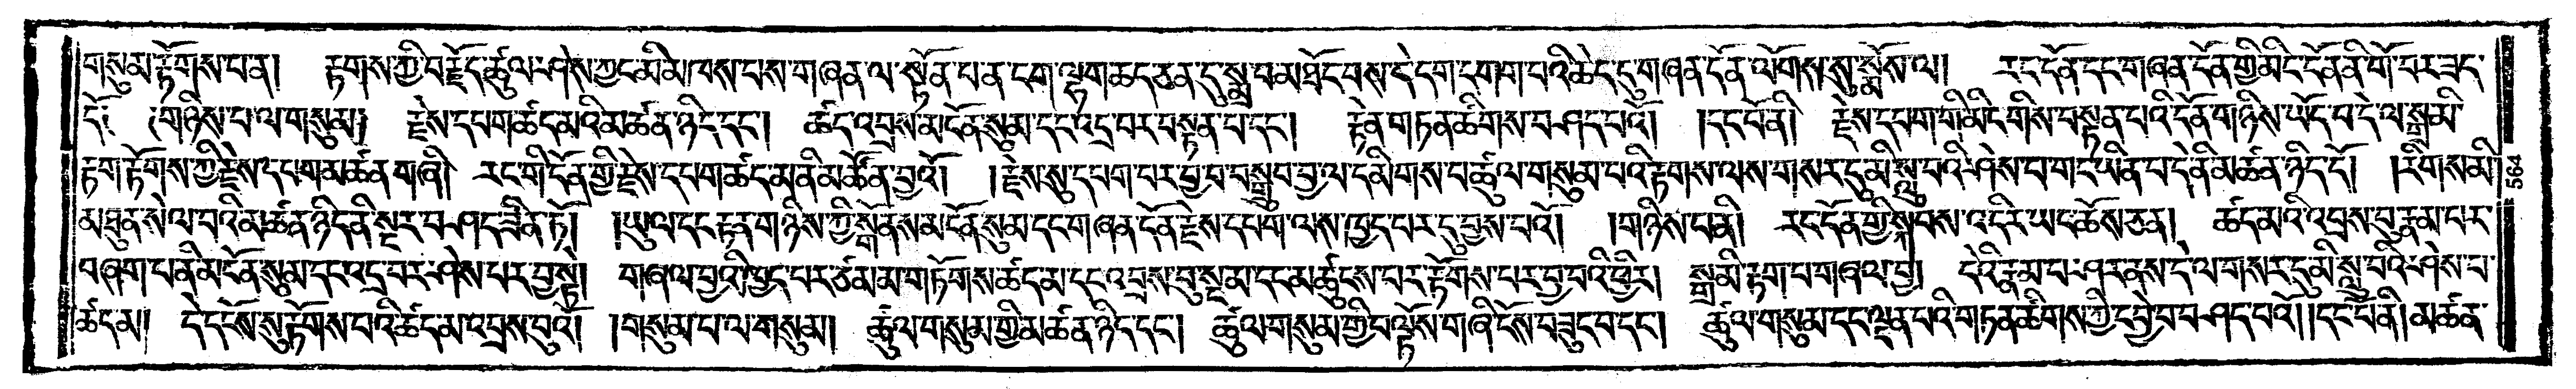གསུམ་རྟོགས་པ་ན། རྟགས་ཀྱི་བརྗོད་ཚུལ་ཤེས་ཀྱང་མི་མཁས་པས་གཞན་ལ་སྟོན་པ་ན་ངག་ལྷག་ཆད་ཅན་དུ་སྨྲ་བ་མཐོང་བས་དེ་དག་དགག་པའི་ཆེད་དུ་གཞན་དོན་ལོགས་སུ་སྨོས་ལ། རང་དོན་དང་གཞན་དོན་གྱི་མིང་དོན་ནི་གོ་བར་ཟད་
དོ༑ ༑གཉིས་པ་ལ་གསུམ། རྗེས་དཔག་ཚད་མའི་མཚན་ཉིད་དང་། ཚད་འབྲས་མངོན་སུམ་དང་འདྲ་བར་བསྟན་པ་དང་། རྟེན་གཏན་ཚིགས་བཤད་པའོ། །དང་པོ་ནི། རྗེས་དཔག་གི་མིང་གིས་བསྟན་པའི་དོན་གཉིས་ཡོད་པ་དེ་ལ་སྒྲ་མི་
རྟག་རྟོགས་ཀྱི་རྗེས་དཔག་མཚན་གཞི། རང་གི་དོན་གྱི་རྗེས་དཔག་ཚད་མ་ནི་མཚོན་བྱའོ། །རྗེས་སུ་དཔག་པར་བྱ་བ་བསྒྲུབ་བྱ་ལ་དམིགས་པ་ཚུལ་གསུམ་པའི་རྟགས་ལས་གསར་དུ་མི་བསླུ་བའི་ཤེས་པ་གང་ཡིན་པ་དེ་ནི་མཚན་ཉིད་དོ། །རིགས་མི་
མཐུན་སེལ་བའི་མཚན་ཉིད་ནི་སྔར་བཤད་ཟིན་ཏོ། །ཡུལ་དང་རྟན་གཉིས་ཀྱི་སྒོ་ནས་མངོན་སུམ་དང་གཞན་དོན་རྗེས་དཔག་ལས་ཁྱད་པར་དུ་བྱས་པའོ། །གཉིས་པ་ནི། རང་དོན་གྱི་སྐབས་འདིར་ཡང་ཆོས་ཅན། ཚད་མའི་འབྲས་བུ་རྣམ་པར་
བཞག་པ་ནི་མངོན་སུམ་དང་འདྲ་བར་ཤེས་པར་བྱ་སྟེ། གཞལ་བྱའི་ཁྱད་པར་ཙམ་མ་གཏོགས་ཚད་མ་དང་འབྲས་བུ་སྔ་མ་དང་མཚུངས་བར་རྟོགས་པར་བྱ་བའི་ཕྱིར། སྒྲ་མི་རྟག་པ་གཞལ་བྱ། དེའི་རྣམ་པ་ཤར་ནས་དེ་ལ་གསར་དུ་མི་སླུ་བའི་ཤེས་པ་
ཚད་མ། དེ་དངོས་སུ་རྟོགས་པའི་ཚད་མ་འབྲས་བུའོ། །གསུམ་པ་ལ་གསུམ། ཚུལ་གསུམ་གྱི་མཚན་ཉིད་དང་། ཚུལ་གསུམ་གྱི་བལྟོས་གཞི་ངོས་བཟུང་བ་དང་། ཚུལ་གསུམ་དང་ལྡན་པའི་གཏན་ཚིགས་ཀྱི་དབྱེ་བ་བཤད་པའོ། །དང་པོ་ནི། མཚན་